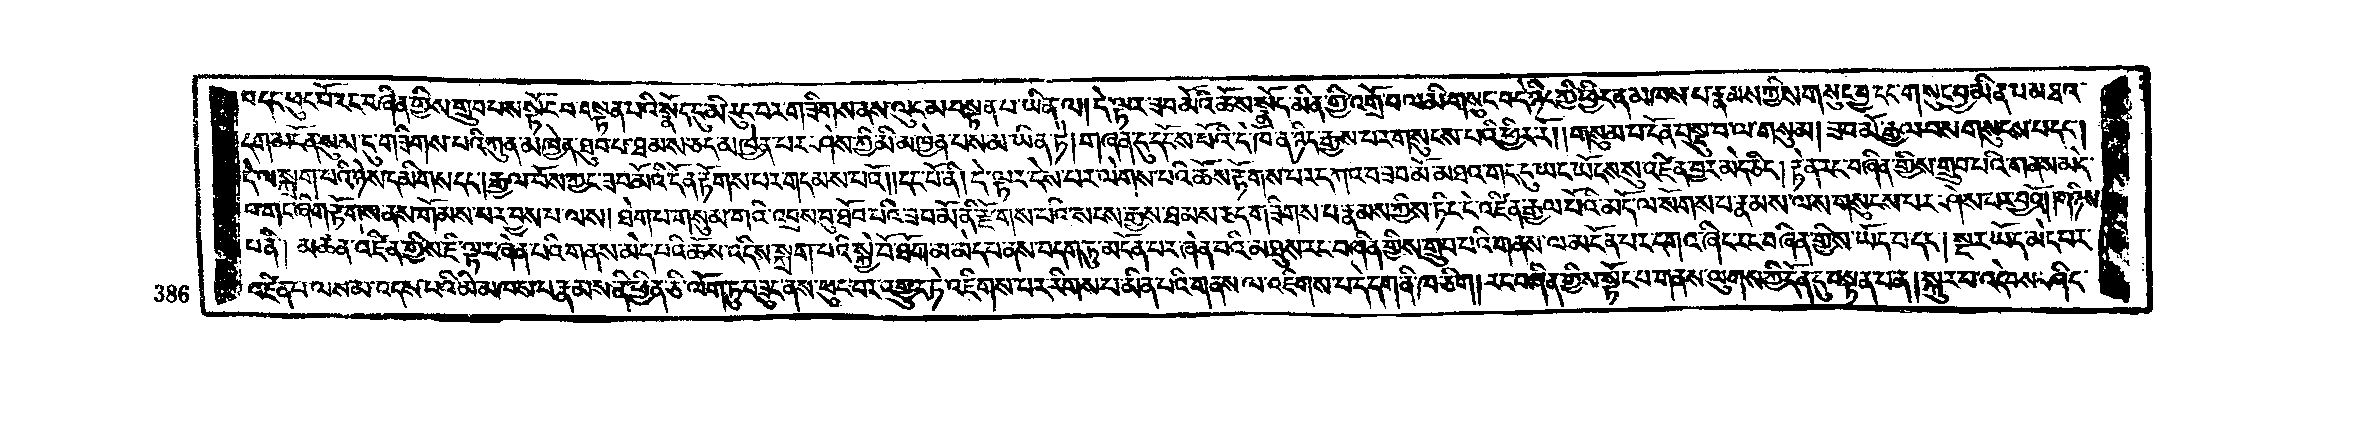བ་དང་ཕུང་པོ་རང་བཞིན་གྱིས་གྲུབ་པས་སྟོང་པ་བསྟན་པའི་སྣོད་དུ་མི་རུང་བར་གཟིགས་ནས་ལུང་མ་བསྟན་པ་ཡིན་ལ། དེ་ལྟར་ཟབ་མོའི་ཆོས་སྣོད་མིན་གྱི་འགྲོ་བ་ལ་མི་གསུང་བ་དེ་ཉིད་ཀྱི་ཕྱིར་ནམ་མཁས་པ་རྣམས་ཀྱིས་གསུང་བྱ་དང་གསུང་བྱ་མིན་པ་མཐའ་
དག་མངོན་སུམ་དུ་གཟིགས་པའི་ཀུན་མཁྱེན་ཐུབ་པ་ཐམས་ཅད་མཁྱེན་པར་ཤེས་ཀྱི་མི་མཁྱེན་པས་མ་ཡིན་ཏེ། གཞན་དུ་དངོས་པོའི་དེ་ཁོ་ན་ཉིད་རྒྱས་པར་གསུངས་པའི་ཕྱིར་རོ། །གསུམ་པ་དོན་བསྡུ་བ་ལ་གསུམ། ཟབ་མོ་རྒྱལ་བས་གསུངས་པ་དང་།
དེ་ལ་སྐྲག་པའི་ཉེས་དམིགས་དང་། རྒྱལ་པོས་ཀྱང་ཟབ་མོའི་དོན་རྟོགས་པར་གདམས་པའོ། །དང་པོ་ནི། དེ་ལྟར་ངེས་པར་ལེགས་པའི་ཆོས་རྟོགས་པར་དཀའ་བ་ཟབ་མོ་མཐའ་གང་དུ་ཡང་ཡོངས་སུ་འཛིན་བྱར་མེད་ཅིང་། རྟེན་རང་བཞིན་གྱིས་གྲུབ་པའི་གནས་མེད་
པ་གང་ཞིག་རྟོགས་ནས་གོམས་པར་བྱས་པ་ལས། ཐེག་པ་གསུམ་གའི་འབྲས་བུ་ཐོབ་པའི་ཟབ་མོ་ནི་རྫོགས་པའི་སངས་རྒྱས་ཐམས་ཅད་གཟིགས་པ་རྣམས་ཀྱིས་ཏིང་ངེ་འཛིན་རྒྱལ་པོའི་མདོ་ལ་སོགས་པ་རྣམས་ལས་གསུངས་པར་ཤེས་པར་བྱའོ། །གཉིས་
པ་ནི། མཚན་འཛིན་གྱིས་ཇི་ལྟར་ཞེན་པའི་གནས་མེད་པའི་ཆོས་འདིས་སྐྲག་པའི་སྐྱེ་བོ་ཐོག་མ་མེད་པ་ནས་བདག་ཏུ་མངོན་པར་ཞེན་པའི་མཐུས་རང་བཞིན་གྱིས་གྲུབ་པའི་གནས་ལ་མངོན་པར་དགའ་ཞིང་རང་བཞིན་གྱིས་ཡོད་པ་དང་། སྔར་ཡོད་མེད་པར་
འཛིན་པ་ལས་མ་འདས་པའི་མི་མཁས་པ་རྣམས་ནི་ཕྱིན་ཅི་ལོག་ཏུ་བཟུང་ནས་ཕུང་བར་འགྱུར་ཏེ་འཇིགས་པར་རིགས་པ་མིན་པའི་གནས་ལ་འཇིགས་པ་དེ་དག་ནི་ཁ་ཅིག །རང་བཞིན་གྱིས་སྟོང་པ་གནས་ལུགས་ཀྱི་དོན་དུ་བསྟན་པ་ན། སྐུར་བ་འདེབས་ཤིང་